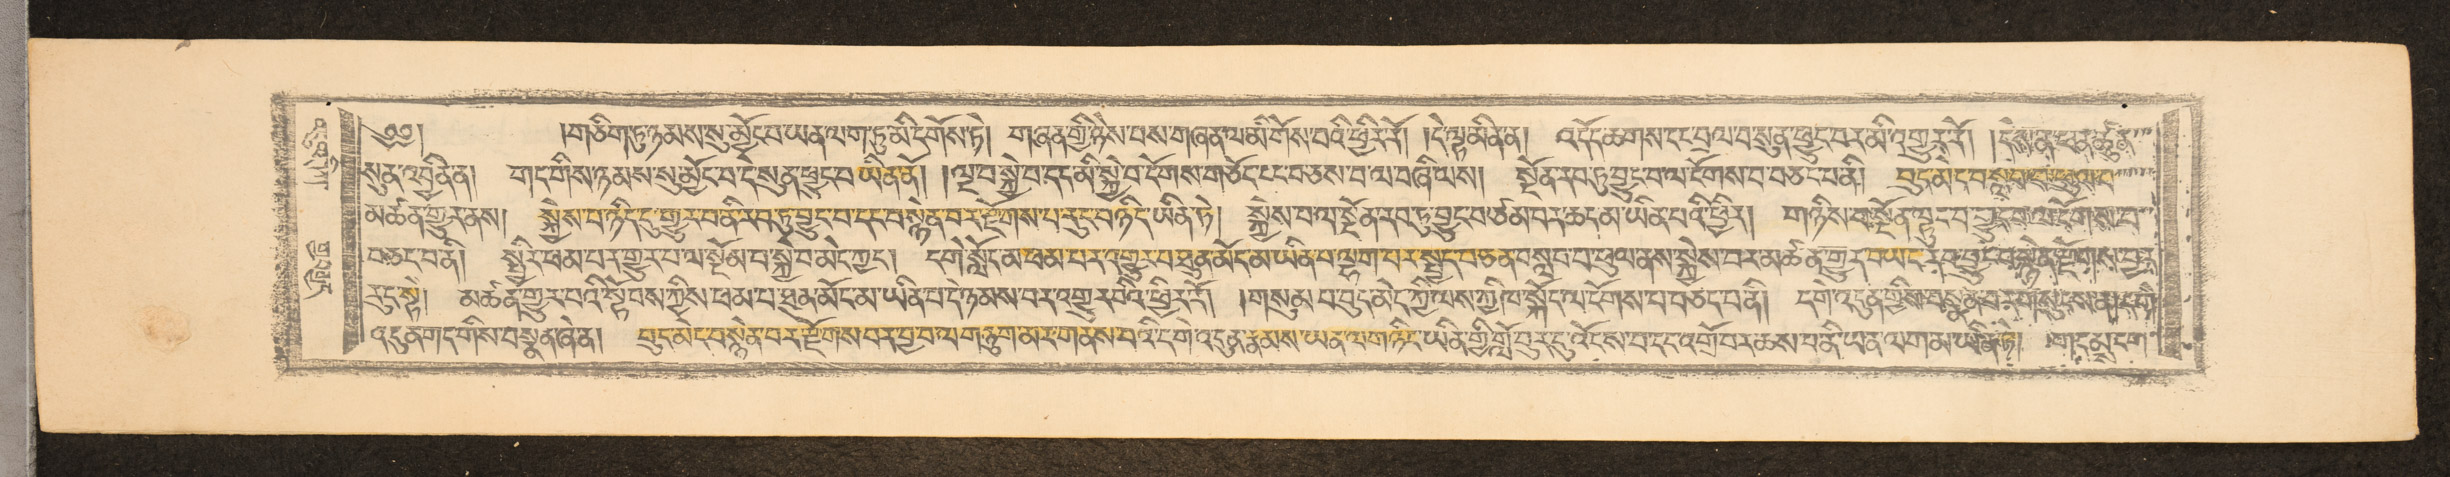༄༅། །གཅིག་ཏུ་ཉམས་སུ་མྱོང་བ་ཡན་ལག་ཏུ་མི་དགོས་ཏེ། གཞན་གྱི་ཉེས་བས་གཞན་ལ་མི་གོས་པའི་ཕྱིར་རོ། །དེ་ལྟ་མིན་ན། འདོད་ཆགས་དང་བྲལ་བ་སུན་ཕྱུང་བར་མི་འགྱུར་རོ། །དེས་ན་ཕན་ཚུན་
སུན་འབྱིན་ན། གང་གིས་ཉམས་སུ་མྱོང་བ་དེ་སུན་ཕྱུང་བ་ཡིན་ནོ། །ལྔ་པ་སྐྱེ་བ་དང་མི་སྐྱེ་བ་དོགས་གཅོད་དང་བཅས་པ་ལ་བཞི་ལས། སྔོན་རབ་ཏུ་བྱུང་བ་ལ་དོགས་པ་བཅད་པ་ནི། བུད་མེད་བསླབ་པ་ཕུལ་བ་
མཚན་གྱུར་ནས། སྐྱེས་པ་ཉིད་དུ་གྱུར་པ་ནི་རབ་ཏུ་བྱུང་བ་དང་བསྙེན་པར་རྫོགས་པ་རུང་བ་ཉིད་ཡིན་ཏེ། སྐྱེས་པ་ལ་སྔོན་རབ་ཏུ་བྱུང་བ་ཙམ་བར་ཆད་མ་ཡིན་པའི་ཕྱིར། གཉིས་པ་སྔོན་ལྟུང་བ་བྱུང་བ་ལ་དོགས་པ་
བཅད་པ་ནི། སྤྱིར་ཕམ་པར་གྱུར་པ་ལ་སྔོམ་པ་སྐྱེ་བ་མེད་ཀྱང་། དགེ་སློང་མ་ཕམ་བར་འགྱུར་བ་ཐུན་མོང་མ་ཡིན་པ་ལྷག་པར་སྤྱད་པ་ཅན་བསླབ་པ་ཕུལ་ནས་སྐྱེས་པར་མཚན་གྱུར་པ་ཡང་རབ་བྱུང་བསྙེན་རྫོགས་བྱར་
རུང་སྟེ། མཚན་གྱུར་པའི་སྟོབས་ཀྱིས་ཕམ་པ་ཐུན་མོང་མ་ཡིན་པ་དེ་ཉམས་པར་འགྱུར་པའི་ཕྱིར་རོ། །གསུམ་པ་བུད་མེད་ཀྱི་ལས་ཀྱི་ཁ་སྐོང་ལ་དོགས་པ་བཅད་པ་ནི། དགེ་འདུན་གྱི་ས་བསྣན་པར་གསུངས་ན། དགེ་
འདུན་གང་གིས་བསྣན་ཞེ་ན། བུད་མེད་བསྙེན་པར་རྫོགས་བར་བྱ་བ་ལ་གཉུག་མར་གནས་པའི་དགེ་འདུན་རྣམས་ཡན་ལག་ཉིད་ཡིན་གྱི་གློ་བུར་དུ་འོངས་བ་དང་འགྲོ་བར་ཆས་པ་ནི་ཡན་ལག་མ་ཡིན་ཏེ། གདམས་ངག་